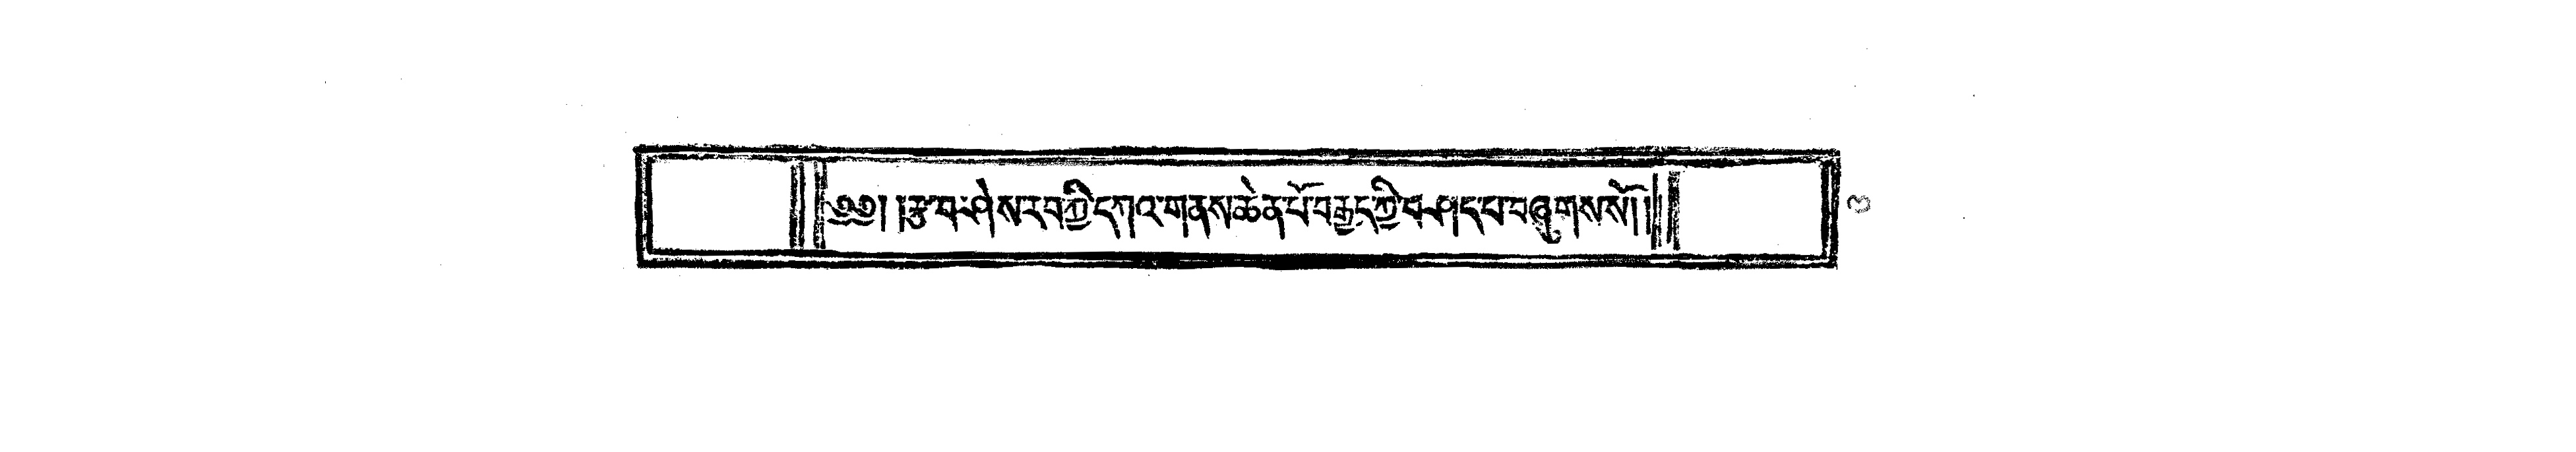༄༅། །རྩ་བ་ཤེས་རབ་ཀྱི་དཀའ་གནས་ཆེན་པོ་བརྒྱད་ཀྱི་བཤད་པ་བཞུགས་སོ།།